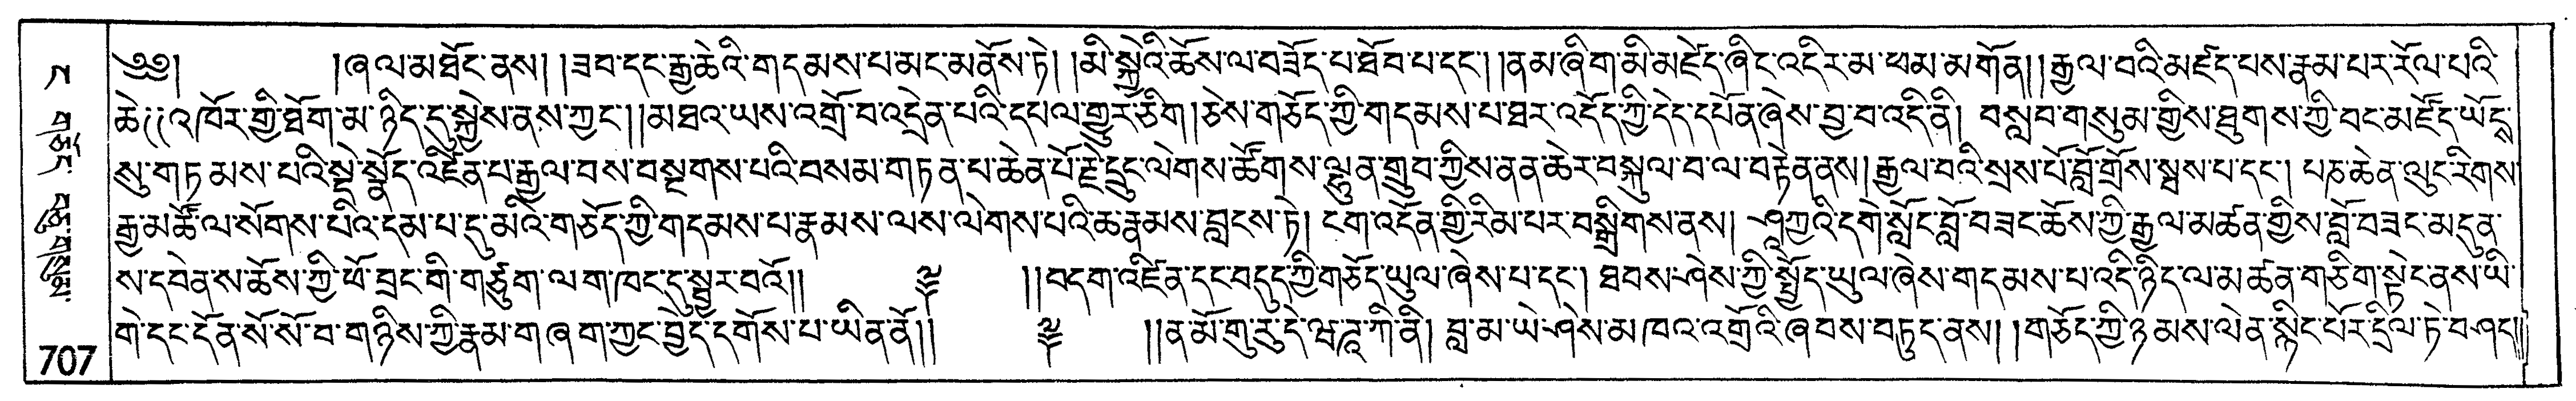༄༅། །ཞལ་མཐོང་ནས། །ཟབ་དང་རྒྱ་ཆེའི་གདམས་པ་མང་མནོས་ཏེ། །མི་སྐྱེའི་ཆོས་ལ་བཟོད་པ་ཐོབ་པ་དང་། །ནམ་ཞིག་མི་མཛེད་ཞིང་འདིར་མ་ཕམ་མགོན། །རྒྱལ་བའི་མཛད་པས་རྣམ་པར་རོལ་པའི་
ཆེ། །འཁོར་གྱི་ཐོག་མ་ཉིད་དུ་སྐྱེས་ནས་ཀྱང་། །མཐའ་ཡས་འགྲོ་བ་འདྲེན་པའི་དཔལ་གྱུར་ཅིག །ཅེས་གཅོད་ཀྱི་གདམས་པ་ཐར་འདོད་ཀྱི་དེད་དཔོན་ཞེས་བྱ་བ་འདི་ནི། བསླབ་གསུམ་གྱིས་ཐུགས་ཀྱི་བང་མཛོད་ཡོངས་
སུ་གཏམས་པའི་སྡེ་སྣོད་འཛིན་པ་རྒྱལ་བས་བསྔགས་པའི་བསམ་གཏན་པ་ཆེན་པོ་རྗེ་དྲུང་ལེགས་ཚོགས་ལྷུན་གྲུབ་ཀྱིས་ནན་ཆེར་བསྐུལ་བ་ལ་བརྟེན་ནས། རྒྱལ་བའི་སྲས་པོ་བློ་གྲོས་སྦས་པ་དང་། པཎ་ཆེན་ལུང་རིགས་
རྒྱ་མཚོ་ལ་སོགས་པའི་དམ་པ་དུ་མའི་གཅོད་ཀྱི་གདམས་པ་རྣམས་ལས་ལེགས་པའི་ཆ་རྣམས་བླངས་ཏེ། ངག་འདོན་གྱི་རིམ་པར་བསྒྲིགས་ནས། ཤཱཀྱའི་དགེ་སློང་བློ་བཟང་ཆོས་ཀྱི་རྒྱལ་མཚན་གྱིས་བློ་བཟང་མདུན་
ས་དབེན་ས་ཆོས་ཀྱི་ཕོ་བྲང་གི་གཙུག་ལག་ཁང་དུ་སྦྱར་བའོ།། ༈ །།བདག་འཛིན་དང་བདུད་ཀྱི་གཅོད་ཡུལ་ཞེས་པ་དང་། ཐབས་ཤེས་ཀྱི་སྤྱོད་ཡུལ་ཞེས་གདམས་པ་འདི་ཉིད་ལ་མཚན་གཅིག་སྟེང་ནས་ཡི་
གེ་དང་དོན་སོ་སོ་བ་གཉིས་ཀྱི་རྣམ་གཞག་ཀྱང་བྱེད་དགོས་པ་ཡིན་ནོ།། ༈ །།ན་མོ་གུ་རུ་དེ་ཝ་ཌཱ་ཀི་ནི། བླ་མ་ཡེ་ཤེས་མཁའ་འགྲོའི་ཞབས་བཏུད་ནས། །གཅོད་ཀྱི་ཉམས་ལེན་སྙིང་པོར་དྲིལ་ཏེ་བཤད། །